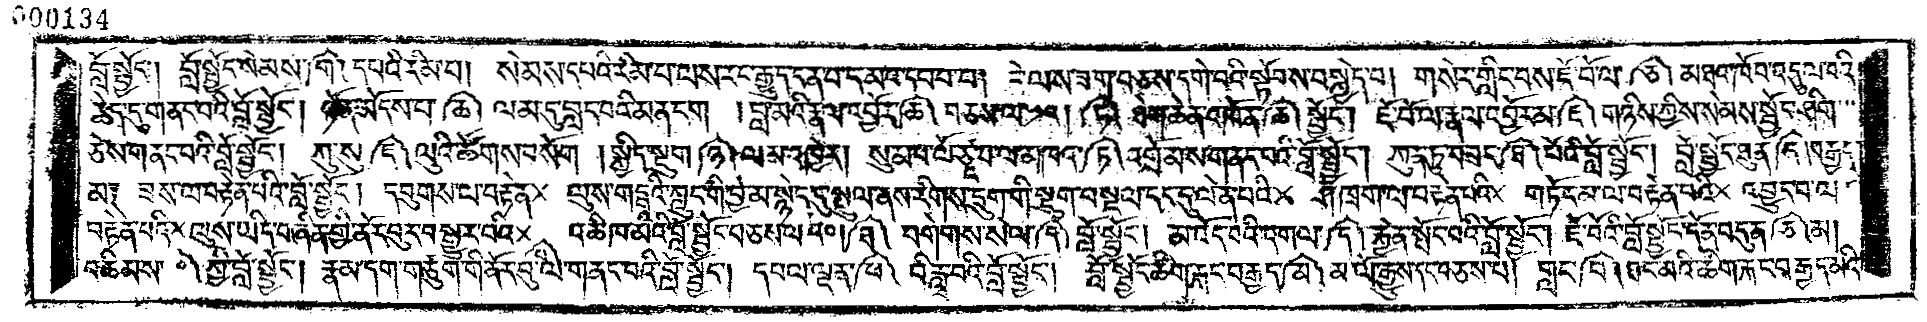བློ་སྦྱོང་། བློ་སྦྱོང་སེམས ༼ག༽ དཔའི་རིམ་པ། སེམས་དཔའི་རིམ་པ་ལས་རང་རྒྱུད་ངན་པ་དམའ་དབབ་པ། དེ་ལས་ཟག་བཅས་དགེ་བའི་སྟོབས་བསྐྱེད་པ། གསེར་གླིང་བས་ཇོ་བོ་ལ ༼ཅ༽ མཐའ་ཁོ་བ་འདུལ་བའི་
ཆེད་དུ་གནང་བའི་བློ་སྦྱོང་། ཉོན་མོངས་པ ༼ཆ༽ ལམ་དུ་བླང་བའི་མན་ངག །བླ་མའི་རྣལ་འབྱོར ༼ཆ༽ བཅས་ལ ༡༢། ༼ཏ༽ ཐེག་ཆེན་འཁོན ༼ཆ༽ སྦྱོང་། ཇོ་བོ་ལ་རྣལ་འབྱོར་མ ༼ཇ༽ གཉིས་ཀྱིས་སེམས་སྦྱོང་ཤིག་
ཅེས་གནང་བའི་བློ་སྦྱོང་། ཀུ་སུ ༼ཇ༽ ལུའི་ཚོགས་བསོག །སྐྱིད་སྡུག ༼ཉ༽ ལམ་འཁྱེར། སུམ་པ་ལོ་ཙཱ་པ་ལ་མཁའ ༼ཏ༽ འགྲོ་མས་གནང་བའི་བློ་སྦྱོང་། ཀུན་ཏུ་བཟང ༼ཐ༽ པོའི་བློ་སྦྱོང་། བློ་སྦྱོང་ཐུན ༼ད༽ བརྒྱད་
མ༑ ཟས་ལ་བརྟེན་པའི་བློ་སྦྱོང་། དབུགས་ལ་བརྟེན་྾་ལུས་གངྒཱའི་ཀླུང་གི་བྱེ་མ་སྙེད་དུ་སྤྲུལ་ནས་རིགས་དྲུག་གི་སྡུག་བསྔལ་དང་དུ་ལེན་པའི་྾་ཤ་ཁྲག་ལ་བརྟེན་པའི་྾་གཏོར་མ་ལ་བརྟེན་པའི་྾་འབྱུང་བ་ལ་
བརྟེན་པའི་྾་ལུས་ཡིད་བཞིན་གྱི་ནོར་བུར་བསྒྱུར་བའི་྾་འཆི་ཁ་མའི་བློ་སྦྱོང་བཅས་ལ ༢༠། ༼ཐ༽ བགེགས་སེལ ༼ད༽ བློ་སྦྱོང་། མ་འོང་བའི་འགལ ༼ད༽ རྐྱེན་སྤོང་བའི་བློ་སྦྱོང་། ཇོ་བོའི་བློ་སྦྱོང་དོན་བདུན ༼ཅ༽ མ།
འཆིམས་ཨོ༼་ཀྱི་བློ་སྦྱོང་། རྣམ་དག་གཙུག་གི་ནོར་བུ་ལ་གནང་བའི་བློ་སྦྱོང་། དཔལ་ལྡན་༽ཕ༼་བིརླྭ་བའི་བློ་སྦྱོང་། བློ་སྦྱོང་ཚིག་རྐང་བརྒྱད་༽མ༼་མ་ལོ་རྒྱུས་དང་བཅས་པ། གླང་༽བ་ཐང་མའི་ཚིག་རྐང་བརྒྱད་མའི་